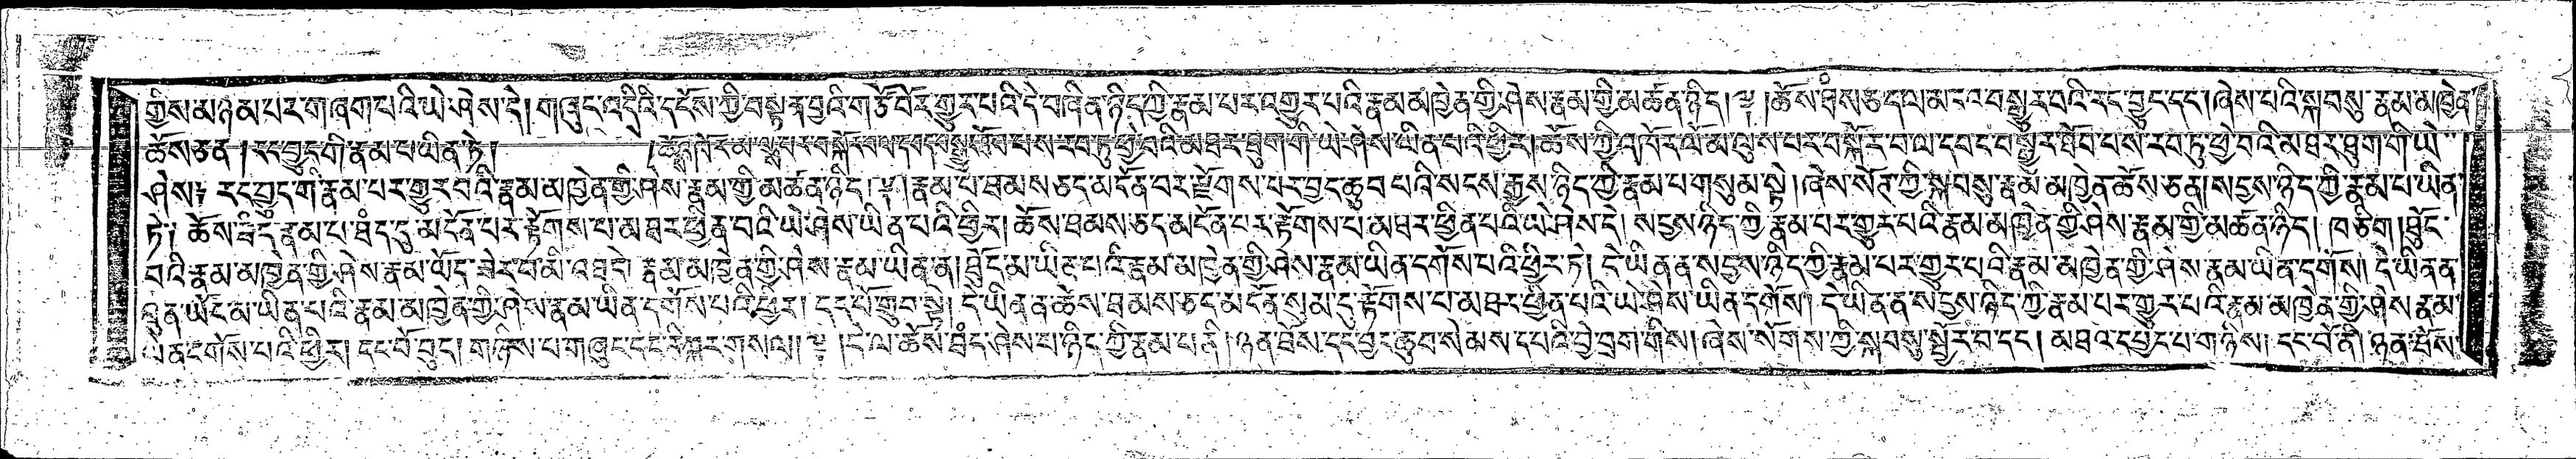གྱིས་མཉམ་པར་གཞག་པའི་ཡེ་ཤེས་དེ། གཞུང་འདྲིའི་དངོས་ཀྱི་བསྟན་བྱའི་གཙོ་བོར་གྱུར་པའི་དེ་བཞིན་ཉིད་ཀྱི་རྣམ་པར་གྱུར་བའི་རྣམ་མཁྱེན་གྱི་ཤེས་རྣམ་གྱི་མཚན་ཉིད། ༈ །ཆོས་ཐམས་ཅད་ལ་མངའ་བསྒྱུར་བའི་རང་བྱུང་དང་། ཞེས་པའི་སྐབས་སུ་རྣམ་མཁྱེན་
ཆོས་ཅན། རང་བྱུང་གི་རྣམ་པ་ཡིན་ཏེ། །ཆོས་འཁོར་མ་ལུས་པར་བསྐོར་བ་ལ་དབད་བསྒྱུར་ཐོབ་པས་རབ་ཏུ་ཕྱེ་བའི་མཐར་ཐུག་གི་ཡེ་ཤེས་ཡིན་པའི་ཕྱིར། ཆོས་ཀྱི་འཁོར་ལོ་མ་ལུས་པར་བསྐོར་བ་ལ་དབང་བསྒྱུར་ཐོབ་པས་རབ་ཏུ་ཕྱེ་བའི་མཐར་ཐུག་གི་ཡེ་
ཤེས༑ རང་བྱུང་གི་རྣམ་པར་གྱུར་བའི་རྣམ་མཁྱེན་གྱི་ཤེས་རྣམ་གྱི་མཚན་ཉིད། ༈ །རྣམ་པ་ཐམས་ཅད་མངོན་པར་རྫོགས་པར་བྱང་ཆུབ་པའི་སངས་རྒྱས་ཉིད་ཀྱི་རྣམ་པ་གསུམ་སྟེ། ཞེས་སོགས་ཀྱི་སྐབས་སུ་རྣམ་མཁྱེན་ཆོས་ཅན། སངས་རྒྱས་ཉིད་ཀྱི་རྣམ་པ་ཡིན་
ཏེ༑ ཆོས་ཐམས་ཅད་རྣམ་པ་ཐམས་ཅད་དུ་མངོན་པར་རྟོགས་པ་མཐར་ཕྱིན་པའི་ཡེ་ཤེས་ཡིན་པའི་ཕྱིར། ཆོས་ཐམས་ཅད་མངོན་པར་རྟོགས་པ་མཐར་ཕྱིན་པའི་ཡེ་ཤེས་དེ། སངས་རྒྱས་ཉིད་ཀྱི་རྣམ་པར་གྱུར་བའི་རྣམ་མཁྱེན་གྱི་ཤེས་རྣམ་གྱི་མཚན་ཉིད། ཁ་ཅིག། ཐུན་མོང་
བའི་རྣམ་མཁྱེན་གྱི་ཤེས་རྣམ་ཡོད་ཟེར་བ་མི་འཐད་དེ། རྣམ་མཁྱེན་གྱི་ཤེས་རྣམ་ཡིན་ན། ཐུན་མོང་མ་ཡིན་པའི་རྣམ་མཁྱེན་གྱི་ཤེས་རྣམ་ཡིན་དགོས་པའི་ཕྱིར་ཏེ། དེ་ཡིན་ན་སངས་རྒྱས་ཉིད་ཀྱི་རྣམ་པར་གྱུར་པའི་རྣམ་མཁྱེན་གྱི་ཤེས་རྣམ་ཡིན་དགོས། དེ་ཡིན་ན་
ཐུན་མོང་མ་ཡིན་པའི་རྣམ་མཁྱེན་གྱི་ཤེས་རྣམ་ཡིན་དགོས་པའི་ཕྱིར། དང་པོ་གྲུབ་སྟེ། དེ་ཡིན་ན་ཆོས་ཐམས་ཅད་མངོན་སུམ་དུ་རྟོགས་པ་མཐར་ཕྱིན་པའི་ཡེ་ཤེས་ཡིན་དགོས། དེ་ཡིན་ན་སངས་རྒྱས་ཉིད་ཀྱི་རྣམ་པར་གྱུར་པའི་རྣམ་མཁྱེན་གྱི་ཤེས་རྣམ་
ཡིན་དགོས་པའི་ཕྱིར། དང་པོ་བུད། གཉིས་པ་གཞུང་དང་ཊིཀྐར་གསལ། ༈ །དེ་ལ་ཆོས་ཐམས་ཅད་ཤེས་པ་ཉིད་ཀྱི་རྣམ་པ་ནི། ཉན་ཐོས་དང་བྱང་ཆུབ་སེམས་དཔའི་བྱེ་བྲག་གིས། ཞེས་སོགས་ཀྱི་སྐབས་སུ་སྦྱོར་བ་དང་། མཐའ་དཔྱད་པ་གཉིས། དང་པོ་ནི། ཉན་ཐོས་